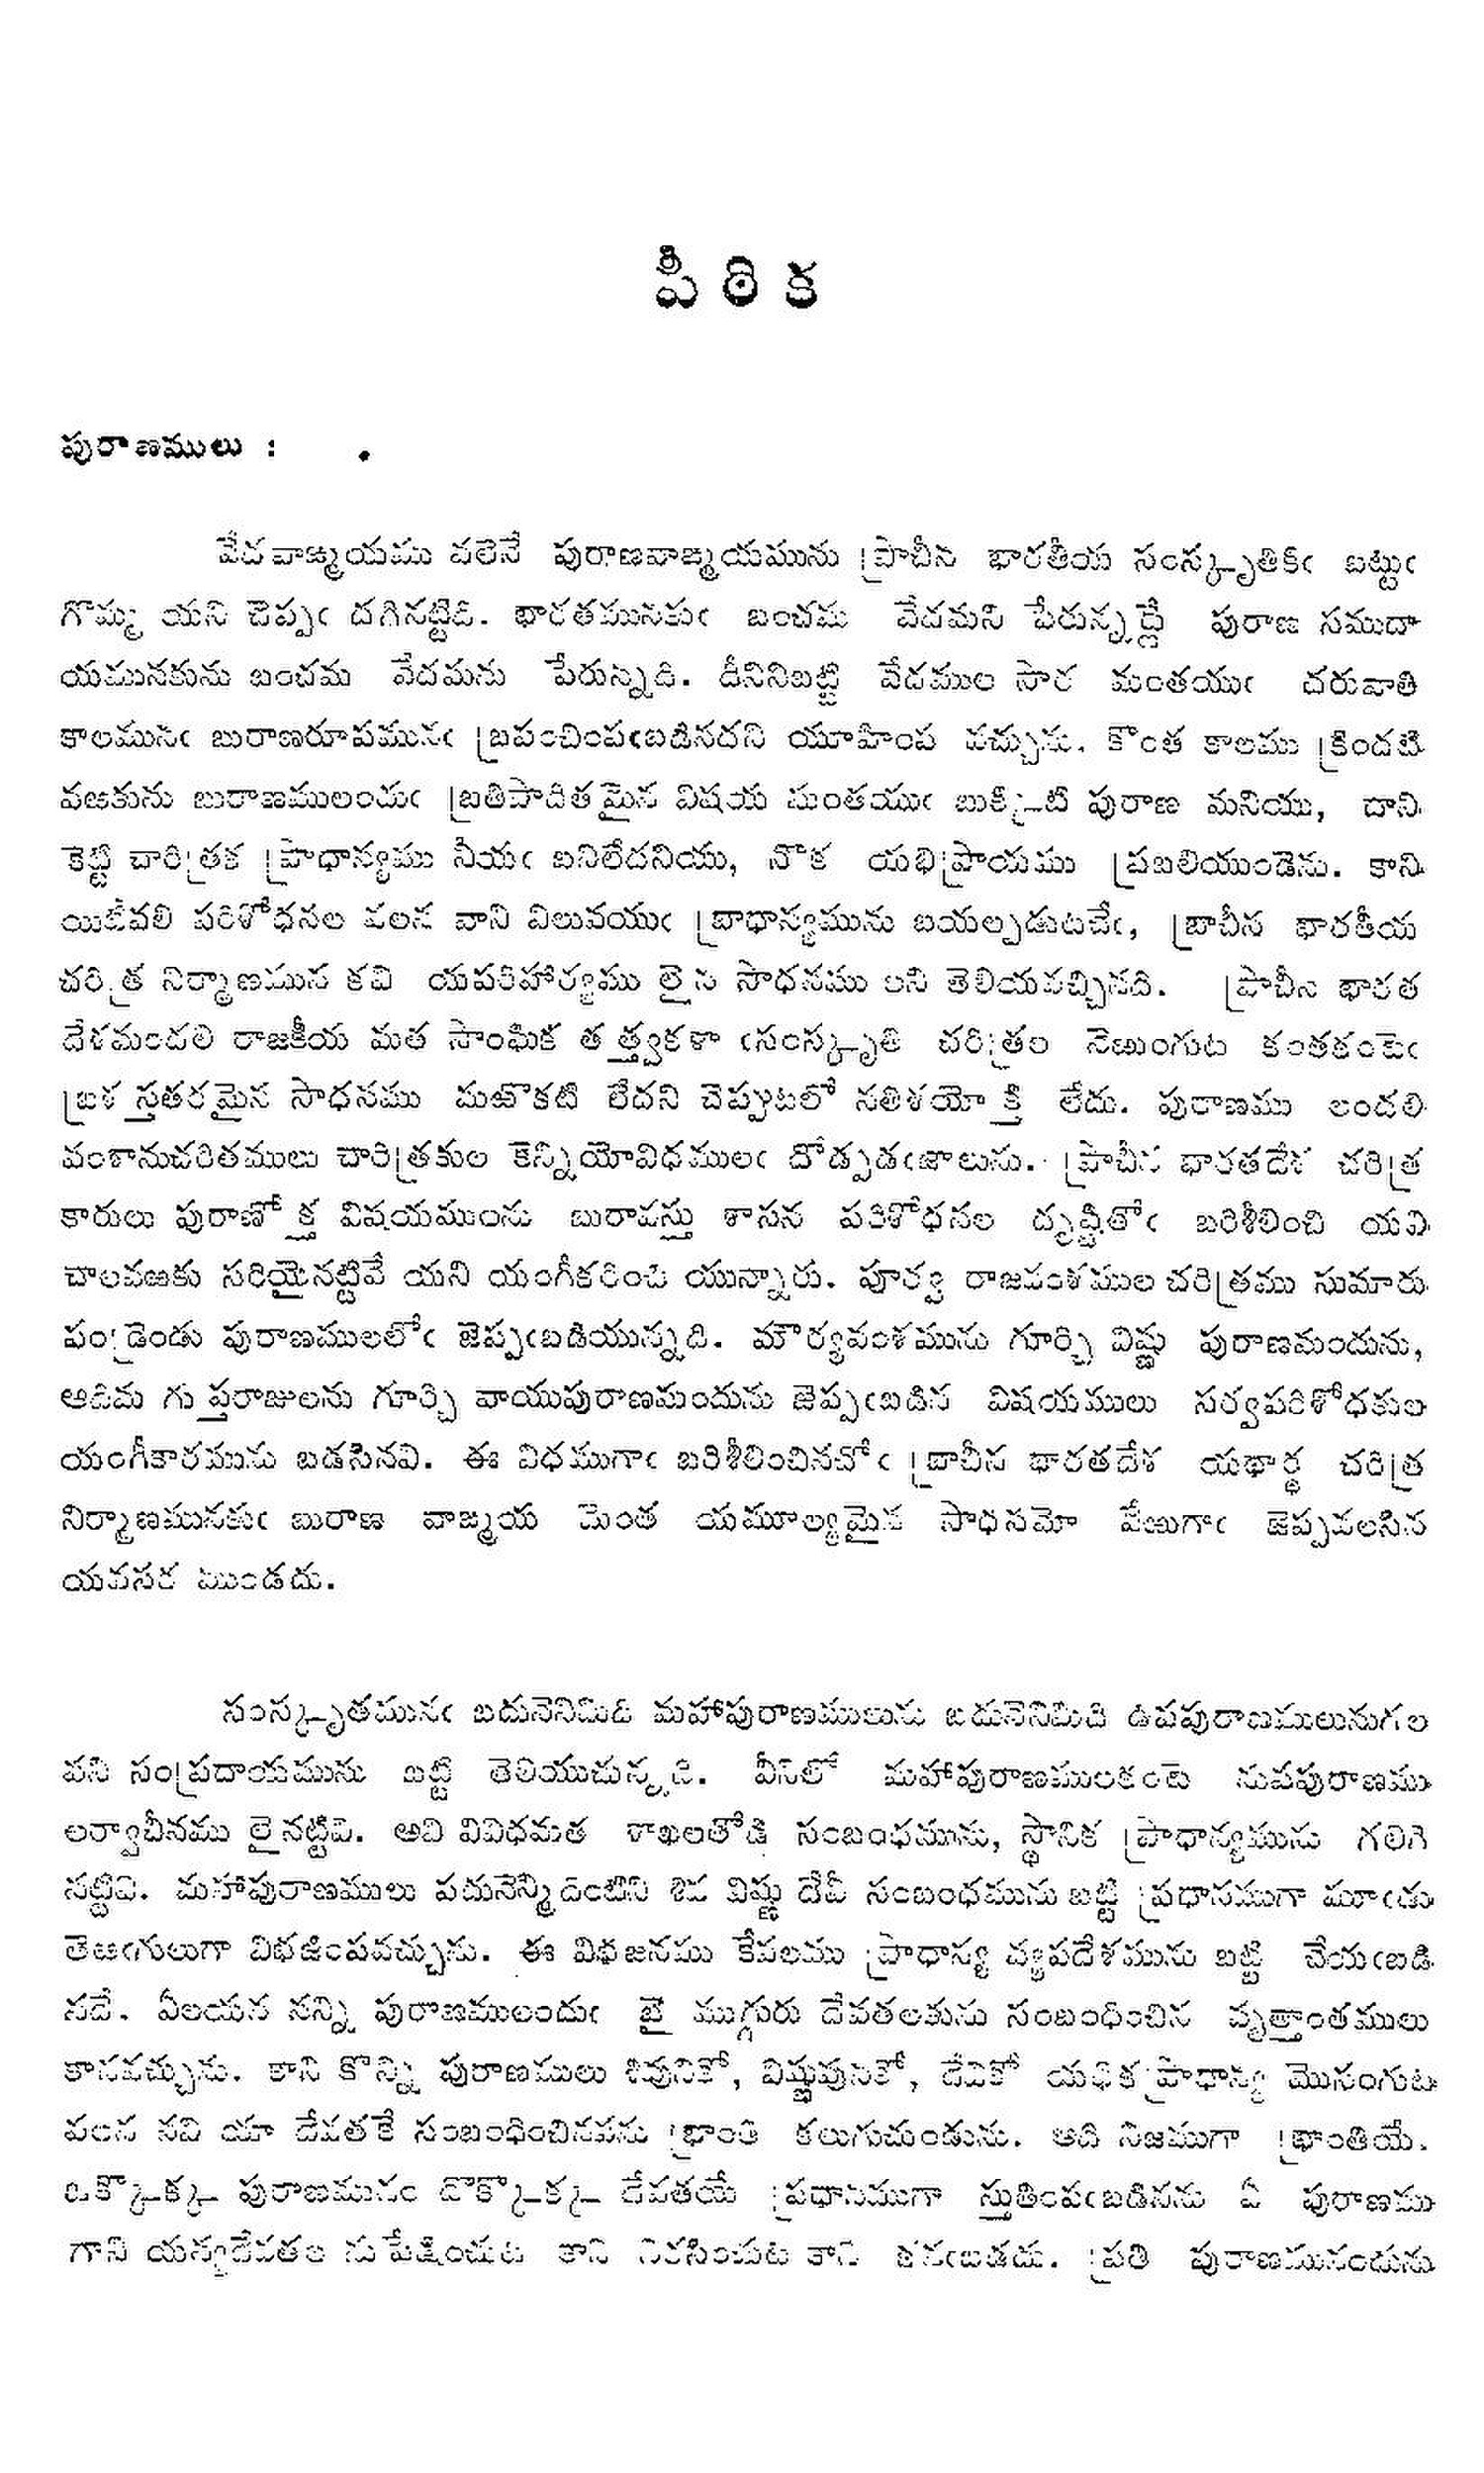పీఠిక
పురాణములు :

వేదవాఙ్మయము వలెనే పురాణవాఙ్మయమును ప్రాచీన భారతీయ సంస్కృతికిఁ బట్టుఁ గొమ్మ యని చెప్పఁ దగినట్టిది. భారతమునకుఁ బంచమ వేదమని పేరున్నట్లే పురాణ సముదాయమనుకును బంచమ వేదమను పేరున్నది. దీనినిబట్టి వేదముల సార మంతయుఁ దరువాతి కాలమునఁ బురాణరూపమునఁ బ్రవచింపఁబడినదని యూహింప వచ్చును. కొంత కాలము క్రిందటి వఱకును బురాణములందుఁ బ్రతిపాదితమైన విషయ మంతయుఁ బుక్కిటి పురాణ మనియు, దానికెట్టి చారిత్రక ప్రాధాన్యము నీయఁ బనిలేదనియు, నొక యభిప్రాయము ప్రబలియుండెను. కాని యిటీవలి పరిశోధనల వలన వాని విలువయుఁ బ్రాధాన్యమును బయల్పడుటచేఁ, బ్రాచీన భారతీయ చరిత్ర నిర్మాణమున కవి యపరిహార్యము లైన సాధనము లని తెలియవచ్చినది. ప్రాచీన భారత దేశమందలి రాజకీయ మత సాంఘిక తత్త్వకళాఁ సంస్కృతి చరిత్రం నెఱుంగుట కంతకంటెఁ బ్రశస్తతరమైన సాధనము మఱొకటి లేదని చెప్పుటలో నతిశయోక్తి లేదు. పురాణము లందలి వంశానుచరితములు చారిత్రికుల కెన్నియోవిధములఁ దోడ్పడఁజాలును. ప్రాచీన భారతదేశ చరిత్రకారులు పురాణోక్త విషయములను బురావస్తు శాసన పరిశోధనల దృష్టితోఁ బరిశీలించి యవి చాలవఱకు సరియైనట్టివే యని యంగీకరించి యున్నారు. పూర్వ రాజవంశముల చరిత్రము సుమారు పండ్రెండు పురాణములలోఁ జెప్పఁబడియున్నది. మౌర్యవంశమును గూర్చి విష్ణు పురాణమందును, ఆదిమ గుప్తరాజులను గూర్చి వాయుపురాణమందును జెప్పబడిన విషయములు సర్వపరిశోధకుల యంగీకారమును బడసినవి. ఈ విధముగాఁ బరిశీలించినచోఁ బ్రాచీన భారతదేశ యథార్థ చరిత్ర నిర్మాణమునకుఁ బురాణ వాఙ్మయ మెంత యమూల్యమైన సాధనమో వేఱుగాఁ జెప్పవలసిన యవసర ముండదు.

సంస్కృతమునఁ బదునెనిమిది మహాపురాణములును బదునెనిమిది ఉపపురాణములునుగలవని సంప్రదాయమును బట్టి తెలియుచున్నది. వీనిలో మహాపురాణములకంటె నుపపురాణము లర్వాచీనము లైనట్టివి. అవి వివిధమత శాఖలతోడి సంబంధమును, స్థానిక ప్రాధాన్యమును గలిగినట్టివి. మహాపురాణములు పదునెన్మిదింటిని శివ విష్ణు దేవీ సంబంధమును బట్టి ప్రధానమును గలిగి తెఱఁగులుగా విభజింపవచ్చును. ఈ విభజనము కేవలము ప్రాధాన్యన్యపదేశమును బట్టి చేయఁబడినదే. ఏలయన నన్ని పురాణములందుఁ బై ముగ్గురు దేవతలకును సంబంధించిన వృత్తాంతములు కానవచ్చును. కాని కొన్ని పురాణములు శివునికో, విష్ణువునకో, దేవికో యధిక ప్రాధాన్య మొసంగుట వలన నవి యా దేవతకే సంబంధించినవను భ్రాంతి కలుగుచుండును. అది నిజముగా భ్రాంతియే. ఒక్కొక్క పురాణమునం దొక్కొక్క దేవతయే ప్రధానముగా స్తుతింపఁబడినను ఏ పురాణముగాని యన్యదేవతల నుపేక్షించుట కాని, నిరసించుట కాని కనఁబడదు. ప్రతి పురాణమునందును